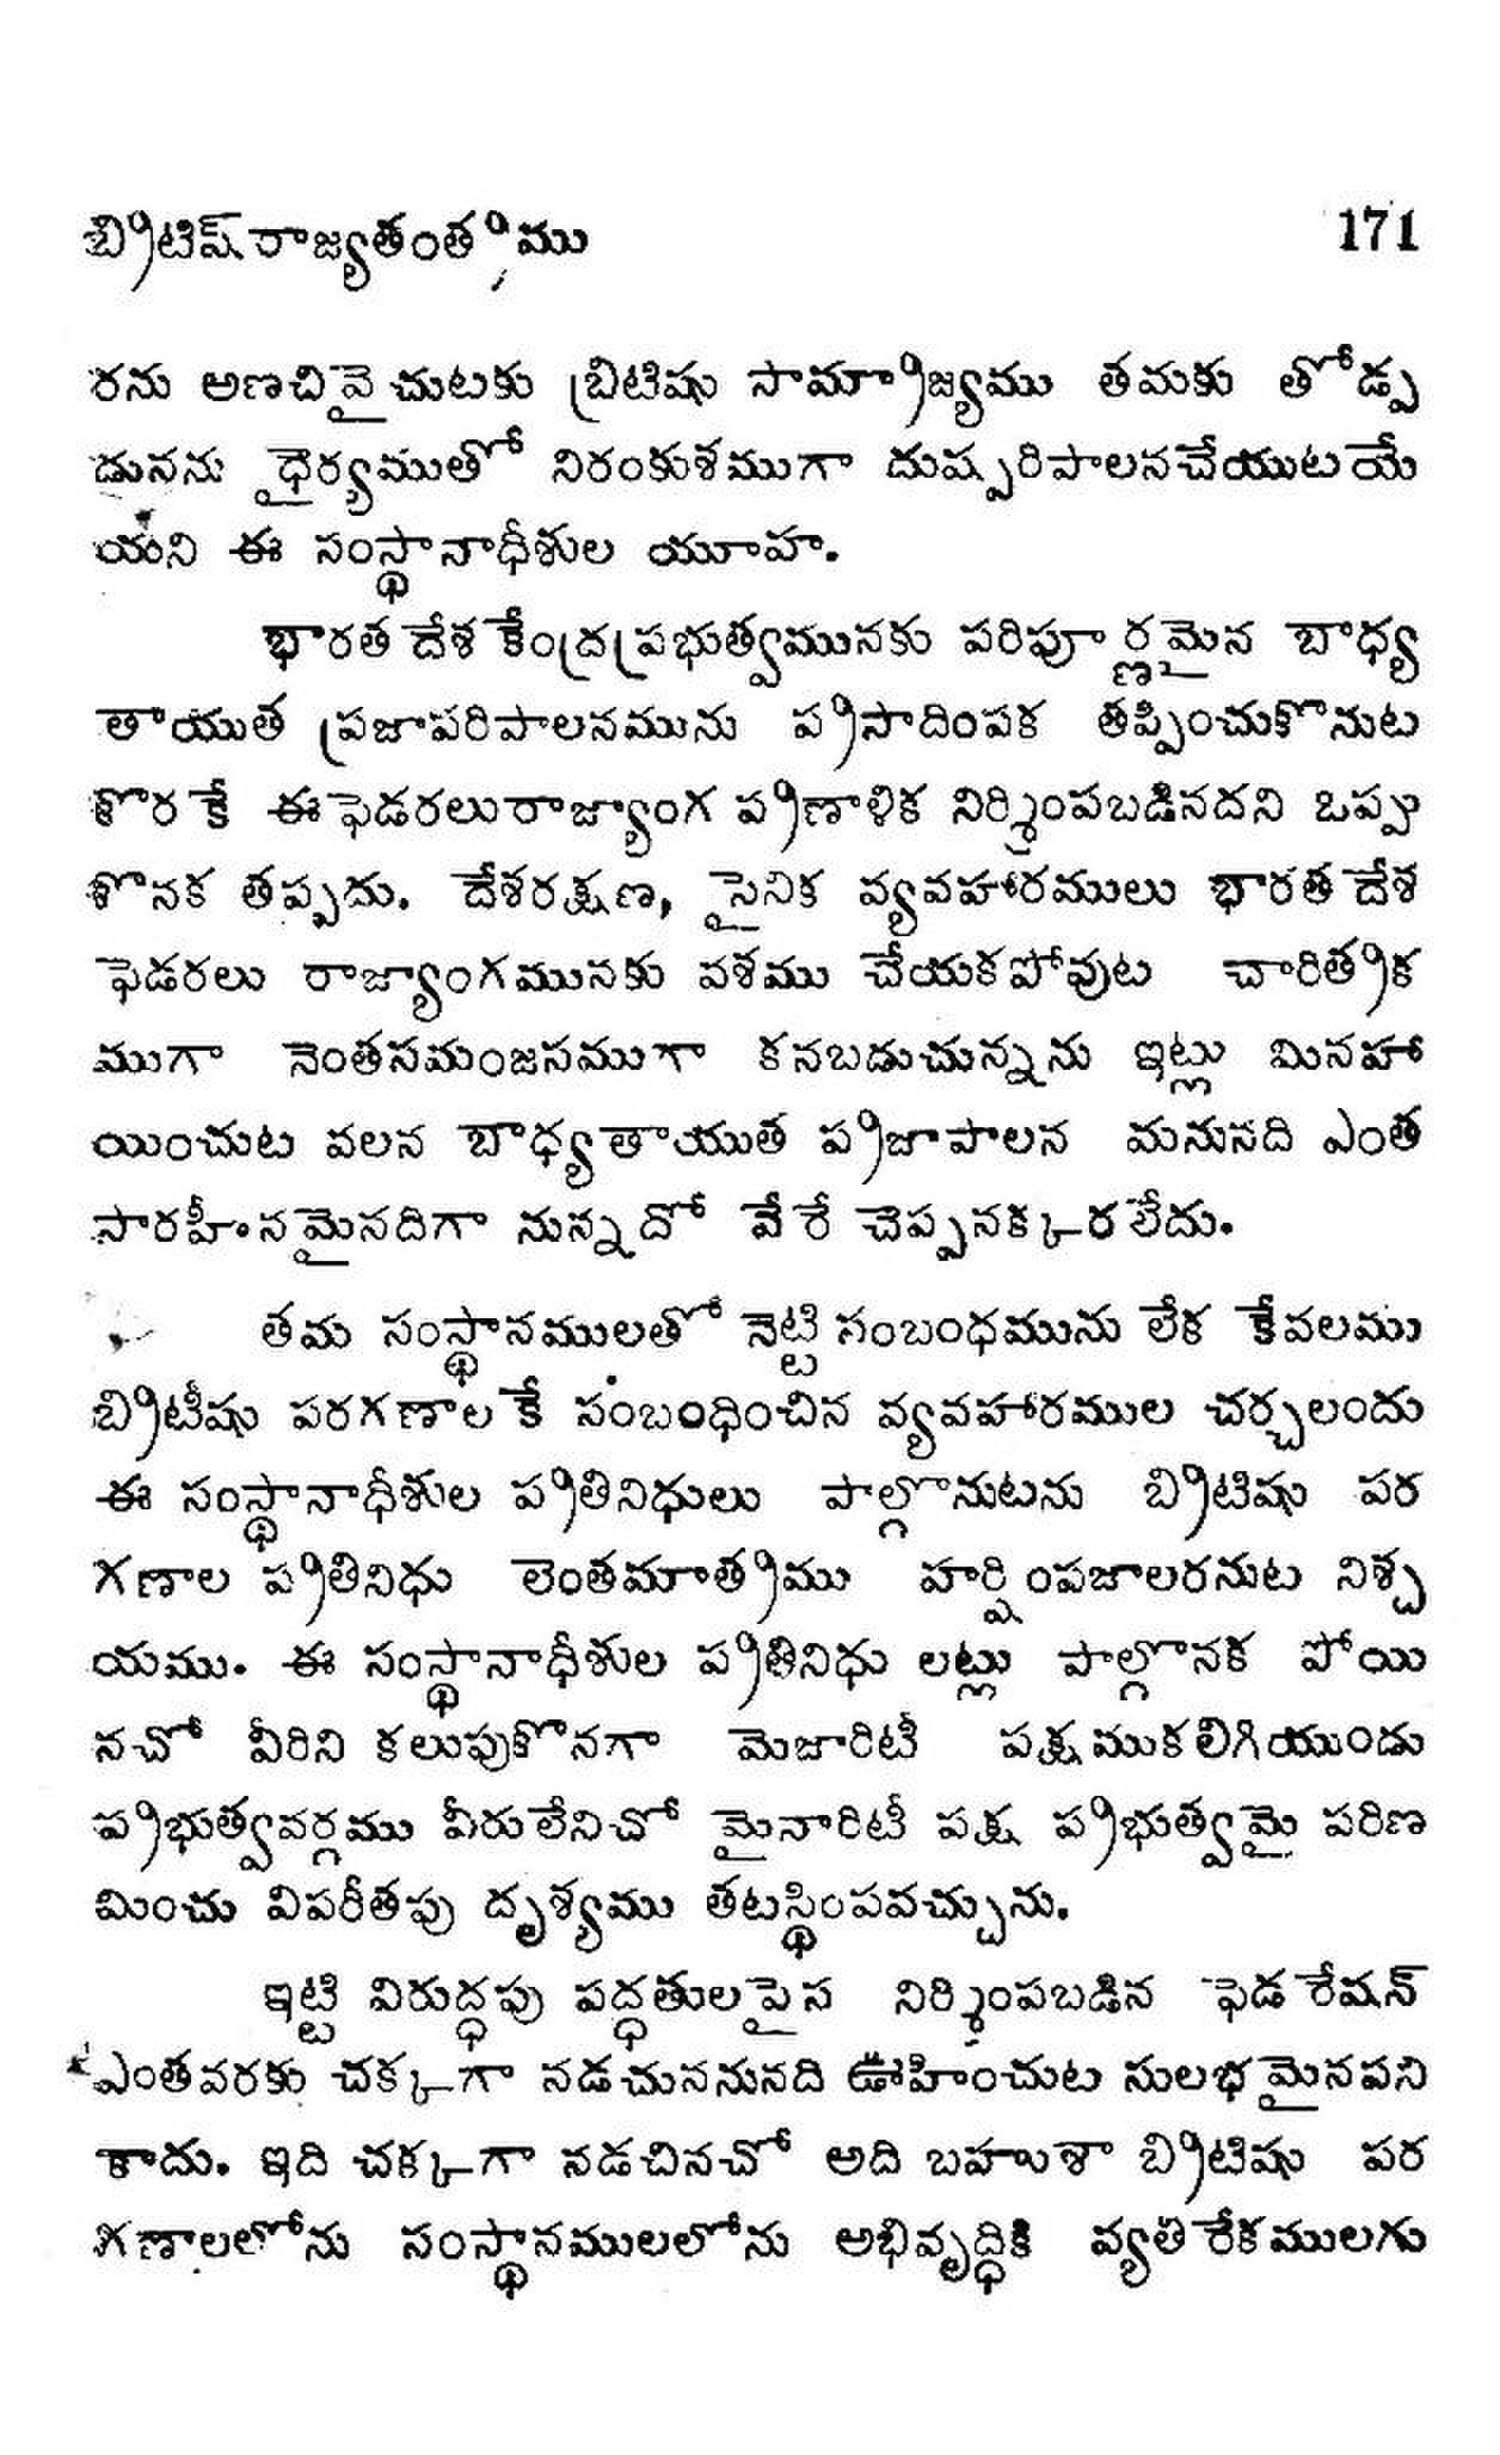రను అణచివైచుటకు బ్రిటిషు సామ్రాజ్యము తమకు తోడ్పడునను ధైర్యముతో నిరంకుశముగా దుష్పరిపాలన చేయుటయే యని ఈ సంస్థానాధీశుల యూహ. 

భారతదేశకేంద్రప్రభుత్వమునకు పరిపూర్ణమైన బాధ్యతాయుత ప్రజాపరిపాలనమును ప్రసాదింపక తప్పించుకొనుటకొరకే ఈఫెడరలురాజ్యాంగ ప్రణాళిక నిర్మింపబడినదని ఒప్పుకొనక తప్పదు. దేశరక్షణ, సైనిక వ్యవహారములు భారతదేశ ఫెడరలు రాజ్యాంగమునకు వశము చేయకపోవుట చారిత్రకముగా నెంతసమంజసముగా కనబడుచున్నను ఇట్లు మినహాయించుట వలన బాధ్యతాయుత ప్రజాపాలన మనునది ఎంత సారహీనమైనదిగా నున్నదో వేరే చెప్పనక్కరలేదు.

తమ సంస్థానములతో నెట్టి సంబంధమును లేక కేవలము బ్రిటీషు పరగణాల కే సంబంధించిన వ్యవహారముల చర్చలందు ఈ సంస్థానాధీశుల ప్రతినిధులు పాల్గొనుటను బ్రిటిషు పరగణాల ప్రతినిధు లెంతమాత్రము హర్షింపజాలరనుట నిశ్చయము. ఈ సంస్థానాధీశుల ప్రతినిధు లట్లు పాల్గొనక పోయినచో వీరిని కలుపుకొనగా మెజారిటీ పక్షముకలిగియుండు ప్రభుత్వవర్గము వీరులేనిచో మైనారిటీ పక్ష ప్రభుత్వమై పరిణమించు విపరీతపు దృశ్యము తటస్థింపవచ్చును.

ఇట్టి విరుద్ధపు పద్ధతులపైన నిర్మింపబడిన ఫెడరేషన్ ఎంత వరకు చక్కగా నడచుననునది ఊహించుట సులభమైనపని కాదు. ఇది చక్కగా నడచినచో అది బహుశా బ్రిటిషు పరగణాలలోను సంస్థానములలోను అభివృద్ధికి వ్యతిరేకములగు